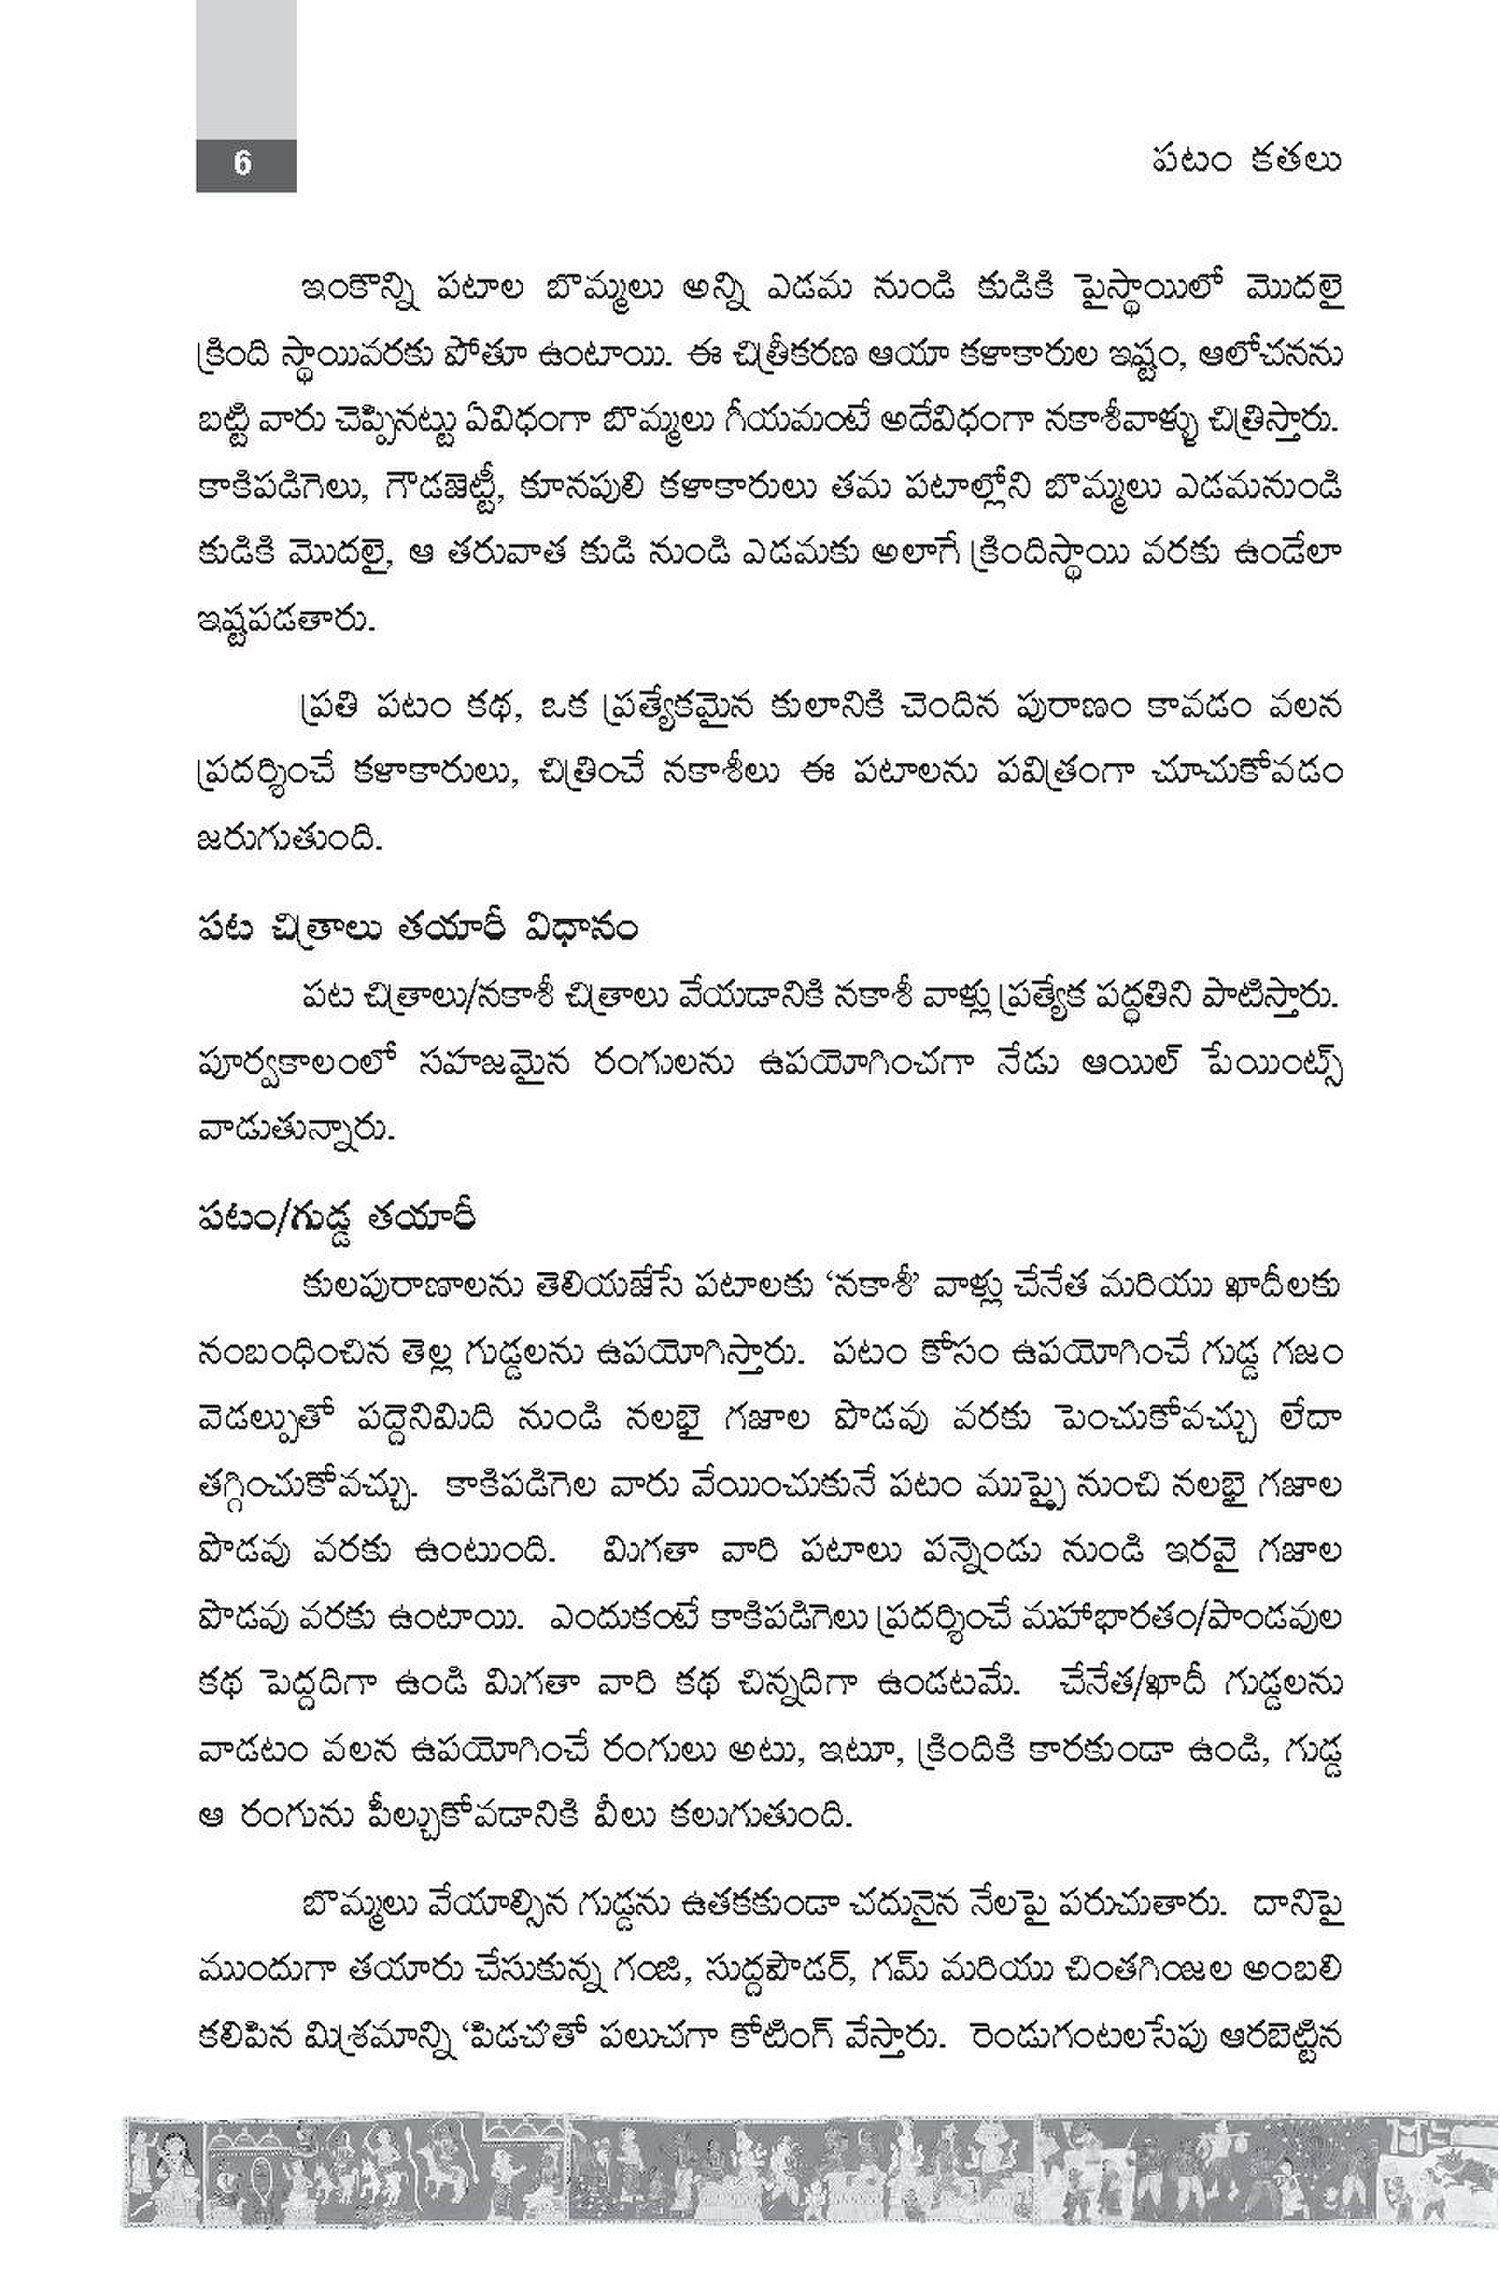ఇంకొన్ని పటాల బొమ్మలు అన్ని ఎడమ నుండి కుడికి పైస్థాయిలో మొదలై క్రింది స్థాయివరకు పోతూ ఉంటాయి. ఈ చిత్రీకరణ ఆయా కళాకారులు ఇష్టం, ఆలోచనను బట్టి వారు చెప్పినట్టు ఏవిధంగా బొమ్మలు గీయమంటే అదేవిధంగా నకాశీవాళ్ళు చిత్రిస్తారు. కాకిపడిగెలు, గౌడజెట్టీ, కూనపులి కళాకారులు తమ పటాల్లోని బొమ్మలు ఎడమనుండి కుడికి మొదలై, ఆ తరువాత కుడి నుండి ఎడమకు అలాగే క్రిందిస్థాయి వరకు ఉండేలా ఇష్టపడతారు.

ప్రతి పటం కథ, ఒక ప్రత్యేకమైన కులానికి చెందిన పురాణం కావడం వలన ప్రదర్శించే కళాకారులు, చిత్రించే నకాశీలు ఈ పటాలను పవిత్రంగా చూచుకోవడం జరుగుతుంది.

పట చిత్రాలు తయారీ విధానం 

పట చిత్రాలు/నకాశీ చిత్రాలు వేయడానికి నకాశీ వాళ్లు ప్రత్యేక పద్ధతిని పాటిస్తారు. పూర్వకాలంలో సహజమైన రంగులను ఉపయోగించగా నేడు ఆయిల్ పేయింట్స్ వాడుతున్నారు.

పటం/గుడ్డ తయారీ 

కులపురాణాలను తెలియజేసే పటాలకు 'నకాశీ' వాళ్లు చేనేత మరియు ఖాదీలకు సంబంధించిన తెల్ల గుడ్డలను ఉపయోగిస్తారు. పటం కోసం ఉపయోగించే గుడ్డ గజం వెడల్పుతో పద్దెనిమిది నుండి నలభై గజాల పొడవు వరకు పెంచుకోవచ్చు లేదా తగ్గించుకోవచ్చు. కాకిపడిగెల వారు వేయించుకునే పటం ముప్ఫై నుంచి నలభై గజాల పొడవు వరకు ఉంటుంది. మిగతా వారి పటాలు పన్నెండు నుండి ఇరవై గజాల పొడవు వరకు ఉంటాయి. ఎందుకంటే కాకిపడిగెలు ప్రదర్శించే మహాభారతం/పాండవుల కథ పెద్దదిగా ఉండి మిగతా వారి కథ చిన్నదిగా ఉండటమే. చేనేత/ఖాదీ గుడ్డలను వాడటం వలన ఉపయోగించే రంగులు అటు, ఇటూ, క్రిందికి కారకుండా ఉండి, గుడ్డ ఆ రంగును పీల్చుకోవడానికి వీలు కలుగుతుంది.

బొమ్మలు వేయాల్సిన గుడ్డను ఉతకకుండా చదునైన నేలపై పరుచుతారు. దానిపై ముందుగా తయారు చేసుకున్న గంజి, సుద్దపౌడర్, గమ్ మరియు చింతగింజల అంబలి కలిపిన మిశ్రమాన్ని 'పిడచతో పలుచగా కోటింగ్ వేస్తారు. రెండు గంటల సేపు ఆరబెట్టిన